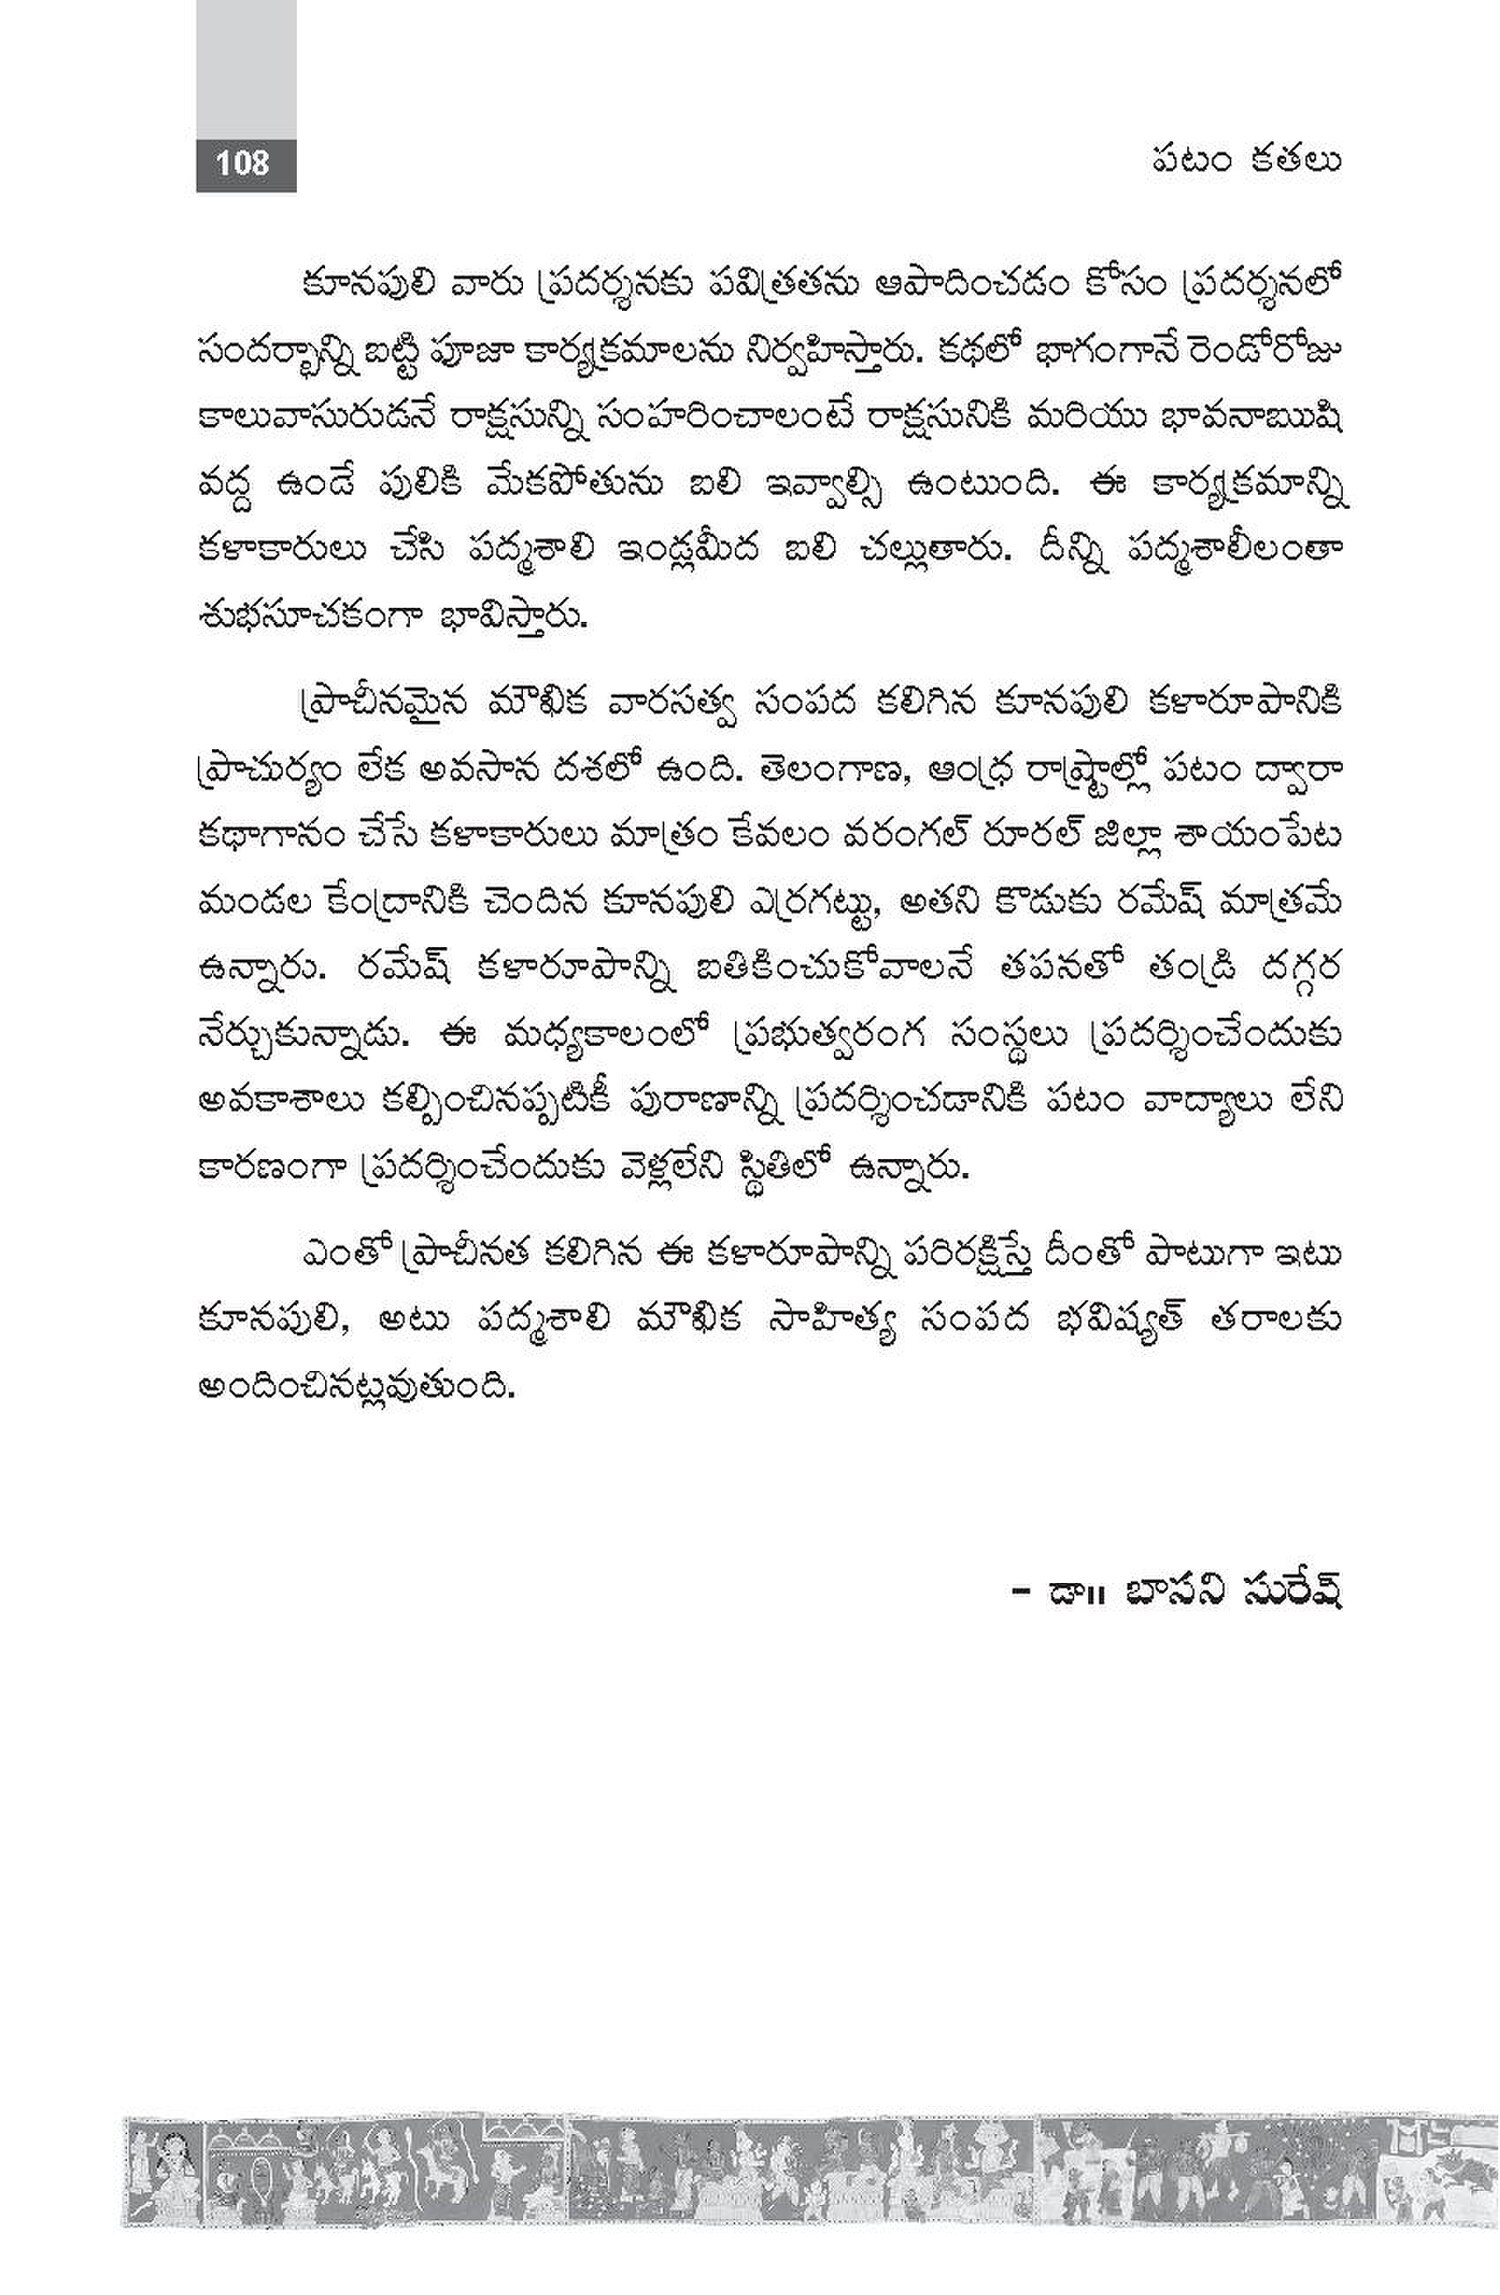కూనపులి వారు ప్రదర్శనకు పవిత్రతను ఆపాదించడం కోసం ప్రదర్శనలో సందర్భాన్ని బట్టి పూజా కార్యక్రమాలను నిర్వహిస్తారు. కథలో భాగంగానే రెండోరోజు కాలువాసురుడనే రాక్షసున్ని సంహరించాలంటే రాక్షసునికి మరియు భావనాఋషి వద్ద ఉండే పులికి మేకపోతును బలి ఇవ్వాల్సి ఉంటుంది. ఈ కార్యక్రమాన్ని కళాకారులు చేసి పద్మశాలి ఇండ్లమీద బలి చల్లుతారు. దీన్ని పద్మశాలీలంతా శుభసూచకంగా భావిస్తారు.

ప్రాచీనమైన మౌఖిక వారసత్వ సంపద కలిగిన కూనపులి కళారూపానికి ప్రాచుర్యం లేక అవసాన దశలో ఉంది. తెలంగాణ, ఆంధ్ర రాష్ట్రాల్లో పటం ద్వారాకథాగానం చేసే కళాకారులు మాత్రం కేవలం వరంగల్ రూరల్ జిల్లా శాయంపేట
మండల కేంద్రానికి చెందిన కూనపులి ఎర్రగట్టు, అతని కొడుకు రమేష్ మాత్రమే ఉన్నారు. రమేష్ కళారూపాన్ని బతికించుకోవాలనే తపనతో తండ్రి దగ్గర నేర్చుకున్నాడు. ఈ మధ్యకాలంలో ప్రభుత్వరంగ సంస్థలు ప్రదర్శించేందుకు
అవకాశాలు కల్పించినప్పటికీ పురాణాన్ని ప్రదర్శించడానికి పటం వాద్యాలు లేని కారణంగా ప్రదర్శించేందుకు వెళ్లలేని స్థితిలో ఉన్నారు.

ఎంతో ప్రాచీనత కలిగిన ఈ కళారూపాన్ని పరిరక్షిస్తే దీంతో పాటుగా ఇటు కూనపులి, అటు పద్మశాలి మౌఖిక సాహిత్య సంపద భవిష్యత్ తరాలకు అందించినట్లవుతుంది.